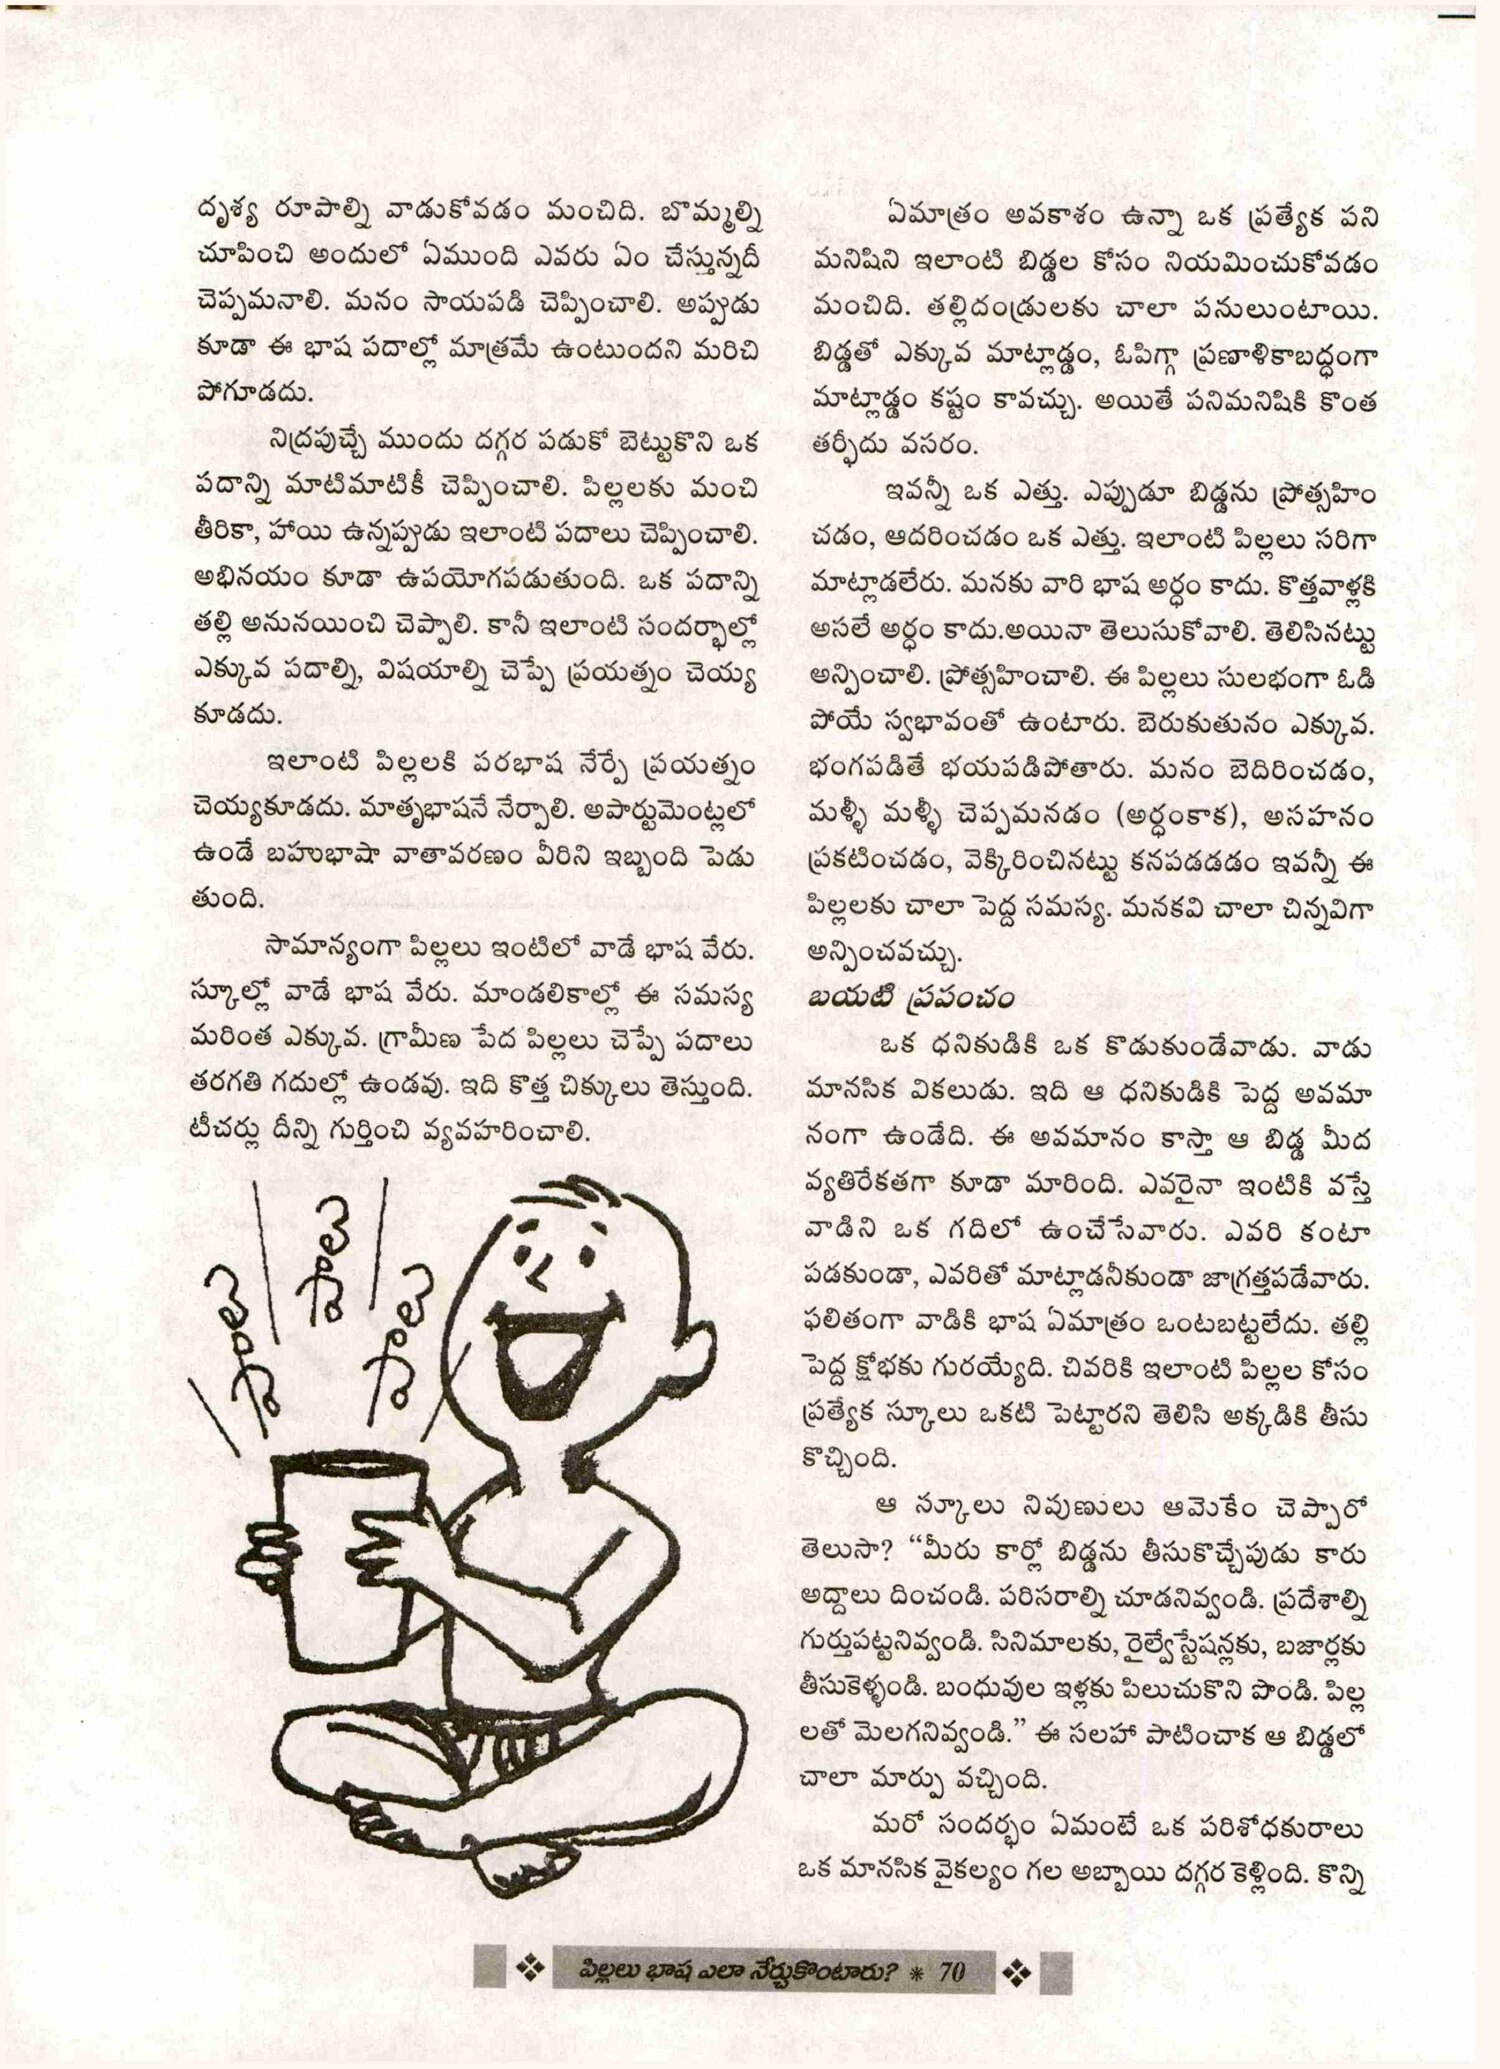దృశ్య రూపాల్ని వాడుకోవడం మంచిది. బొమ్మల్ని చూపించి అందులో ఏముంది ఎవరు ఏం చేస్తున్నదీ చెప్పమనాలి. మనం సాయపడి చెప్పించాలి. అప్పుడు కూడా ఈ భాష పదాల్లో మాత్రమే ఉంటుందని మరిచి పోగూడదు.

నిద్రపుచ్చే ముందు దగ్గర పడుకో బెట్టుకొని ఒక పదాన్ని మాటిమాటికీ చెప్పించాలి. పిల్లలకు మంచి తీరికా, హాయి ఉన్నప్పుడు ఇలాంటి పదాలు చెప్పించాలి. అభినయం కూడా ఉపయోగపడుతుంది. ఒక పదాన్ని తల్లి అనునయించి చెప్పాలి. కానీ ఇలాంటి సందర్భాల్లో ఎక్కువ పదాల్ని, విషయాల్ని చెప్పే ప్రయత్నం చెయ్యకూడదు.

ఇలాంటి పిల్లలకి పరభాష నేర్పే ప్రయత్నం చెయ్యకూడదు. మాతృభాషనే నేర్పాలి. అపార్టుమెంట్లలో ఉండే బహుభాషా వాతావరణం వీరిని ఇబ్బంది పెడుతుంది.

సామాన్యంగా పిల్లలు ఇంటిలో వాడే భాష వేరు. స్కూల్లో వాడే భాష వేరు. మాండలికాల్లో ఈ సమస్య మరింత ఎక్కువ. గ్రామీణ పేద పిల్లలు చెప్పే పదాలు తరగతి గదుల్లో ఉండవు. ఇది కొత్త చిక్కులు తెస్తుంది. టీచర్లు దీన్ని గుర్తించి వ్యవహరించాలి.

ఏమాత్రం అవకాశం ఉన్నా ఒక ప్రత్యేక పనిమనిషిని ఇలాంటి బిడ్డల కోసం నియమించుకోవడం మంచిది. తల్లిదండ్రులకు చాలా పనులుంటాయి. బిడ్డతో ఎక్కువ మాట్లాడ్డం, ఓపిగ్గా ప్రణాళికాబద్ధంగా మాట్లాడ్డం కష్టం కావచ్చు. అయితే పనిమనిషికి కొంత తర్ఫీదు వసరం.

ఇవన్నీ ఒక ఎత్తు. ఎప్పుడూ బిడ్డను ప్రోత్సహించడం, ఆదరించడం ఒక ఎత్తు. ఇలాంటి పిల్లలు సరిగా మాట్లాడలేరు. మనకు వారి భాష అర్ధం కాదు. కొత్తవాళ్లకి అసలే అర్ధం కాదు. అయినా తెలుసుకోవాలి. తెలిసినట్టు అన్పించాలి. ప్రోత్సహించాలి. ఈ పిల్లలు సులభంగా ఓడిపోయే స్వభావంతో ఉంటారు. బెరుకుతునం ఎక్కువ. భంగపడితే భయపడిపోతారు. మనం బెదిరించడం, మళ్ళీ మళ్ళీ చెప్పమనడం (అర్ధంకాక), అసహనం ప్రకటించడం, వెక్కిరించినట్టు కనపడడడం ఇవన్నీ ఈ పిల్లలకు చాలా పెద్ద సమస్య. మనకవి చాలా చిన్నవిగా అన్పించవచ్చు.

బయటి ప్రపంచం

ఒక ధనికుడికి ఒక కొడుకుండేవాడు. వాడు మానసిక వికలుడు. ఇది ఆ ధనికుడికి పెద్ద అవమానంగా ఉండేది. ఈ అవమానం కాస్తా ఆ బిడ్డ మీద వ్యతిరేకతగా కూడా మారింది. ఎవరైనా ఇంటికి వస్తే వాడిని ఒక గదిలో ఉంచేసేవారు. ఎవరి కంటా పడకుండా, ఎవరితో మాట్లాడనీకుండా జాగ్రత్తపడేవారు. ఫలితంగా వాడికి భాష ఏమాత్రం ఒంటబట్టలేదు. తల్లి పెద్ద క్షోభకు గురయ్యేది. చివరికి ఇలాంటి పిల్లల కోసం ప్రత్యేక స్కూలు ఒకటి పెట్టారని తెలిసి అక్కడికి తీసుకొచ్చింది.

ఆ స్కూలు నిపుణులు ఆమెకేం చెప్పారో తెలుసా? “మీరు కార్లో బిడ్డను తీసుకొచ్చేపుడు కారు అద్దాలు దించండి. పరిసరాల్ని చూడనివ్వండి. ప్రదేశాల్ని గుర్తుపట్టనివ్వండి. సినిమాలకు, రైల్వేస్టేషన్లకు, బజార్లకు తీసుకెళ్ళండి. బంధువుల ఇళ్లకు పిలుచుకొని పొండి. పిల్లలతో మెలగనివ్వండి.” ఈ సలహా పాటించాక ఆ బిడ్డలో చాలా మార్పు వచ్చింది.

మరో సందర్భం ఏమంటే ఒక పరిశోధకురాలు ఒక మానసిక వైకల్యం గల అబ్బాయి దగ్గర కెళ్లింది. కొన్ని